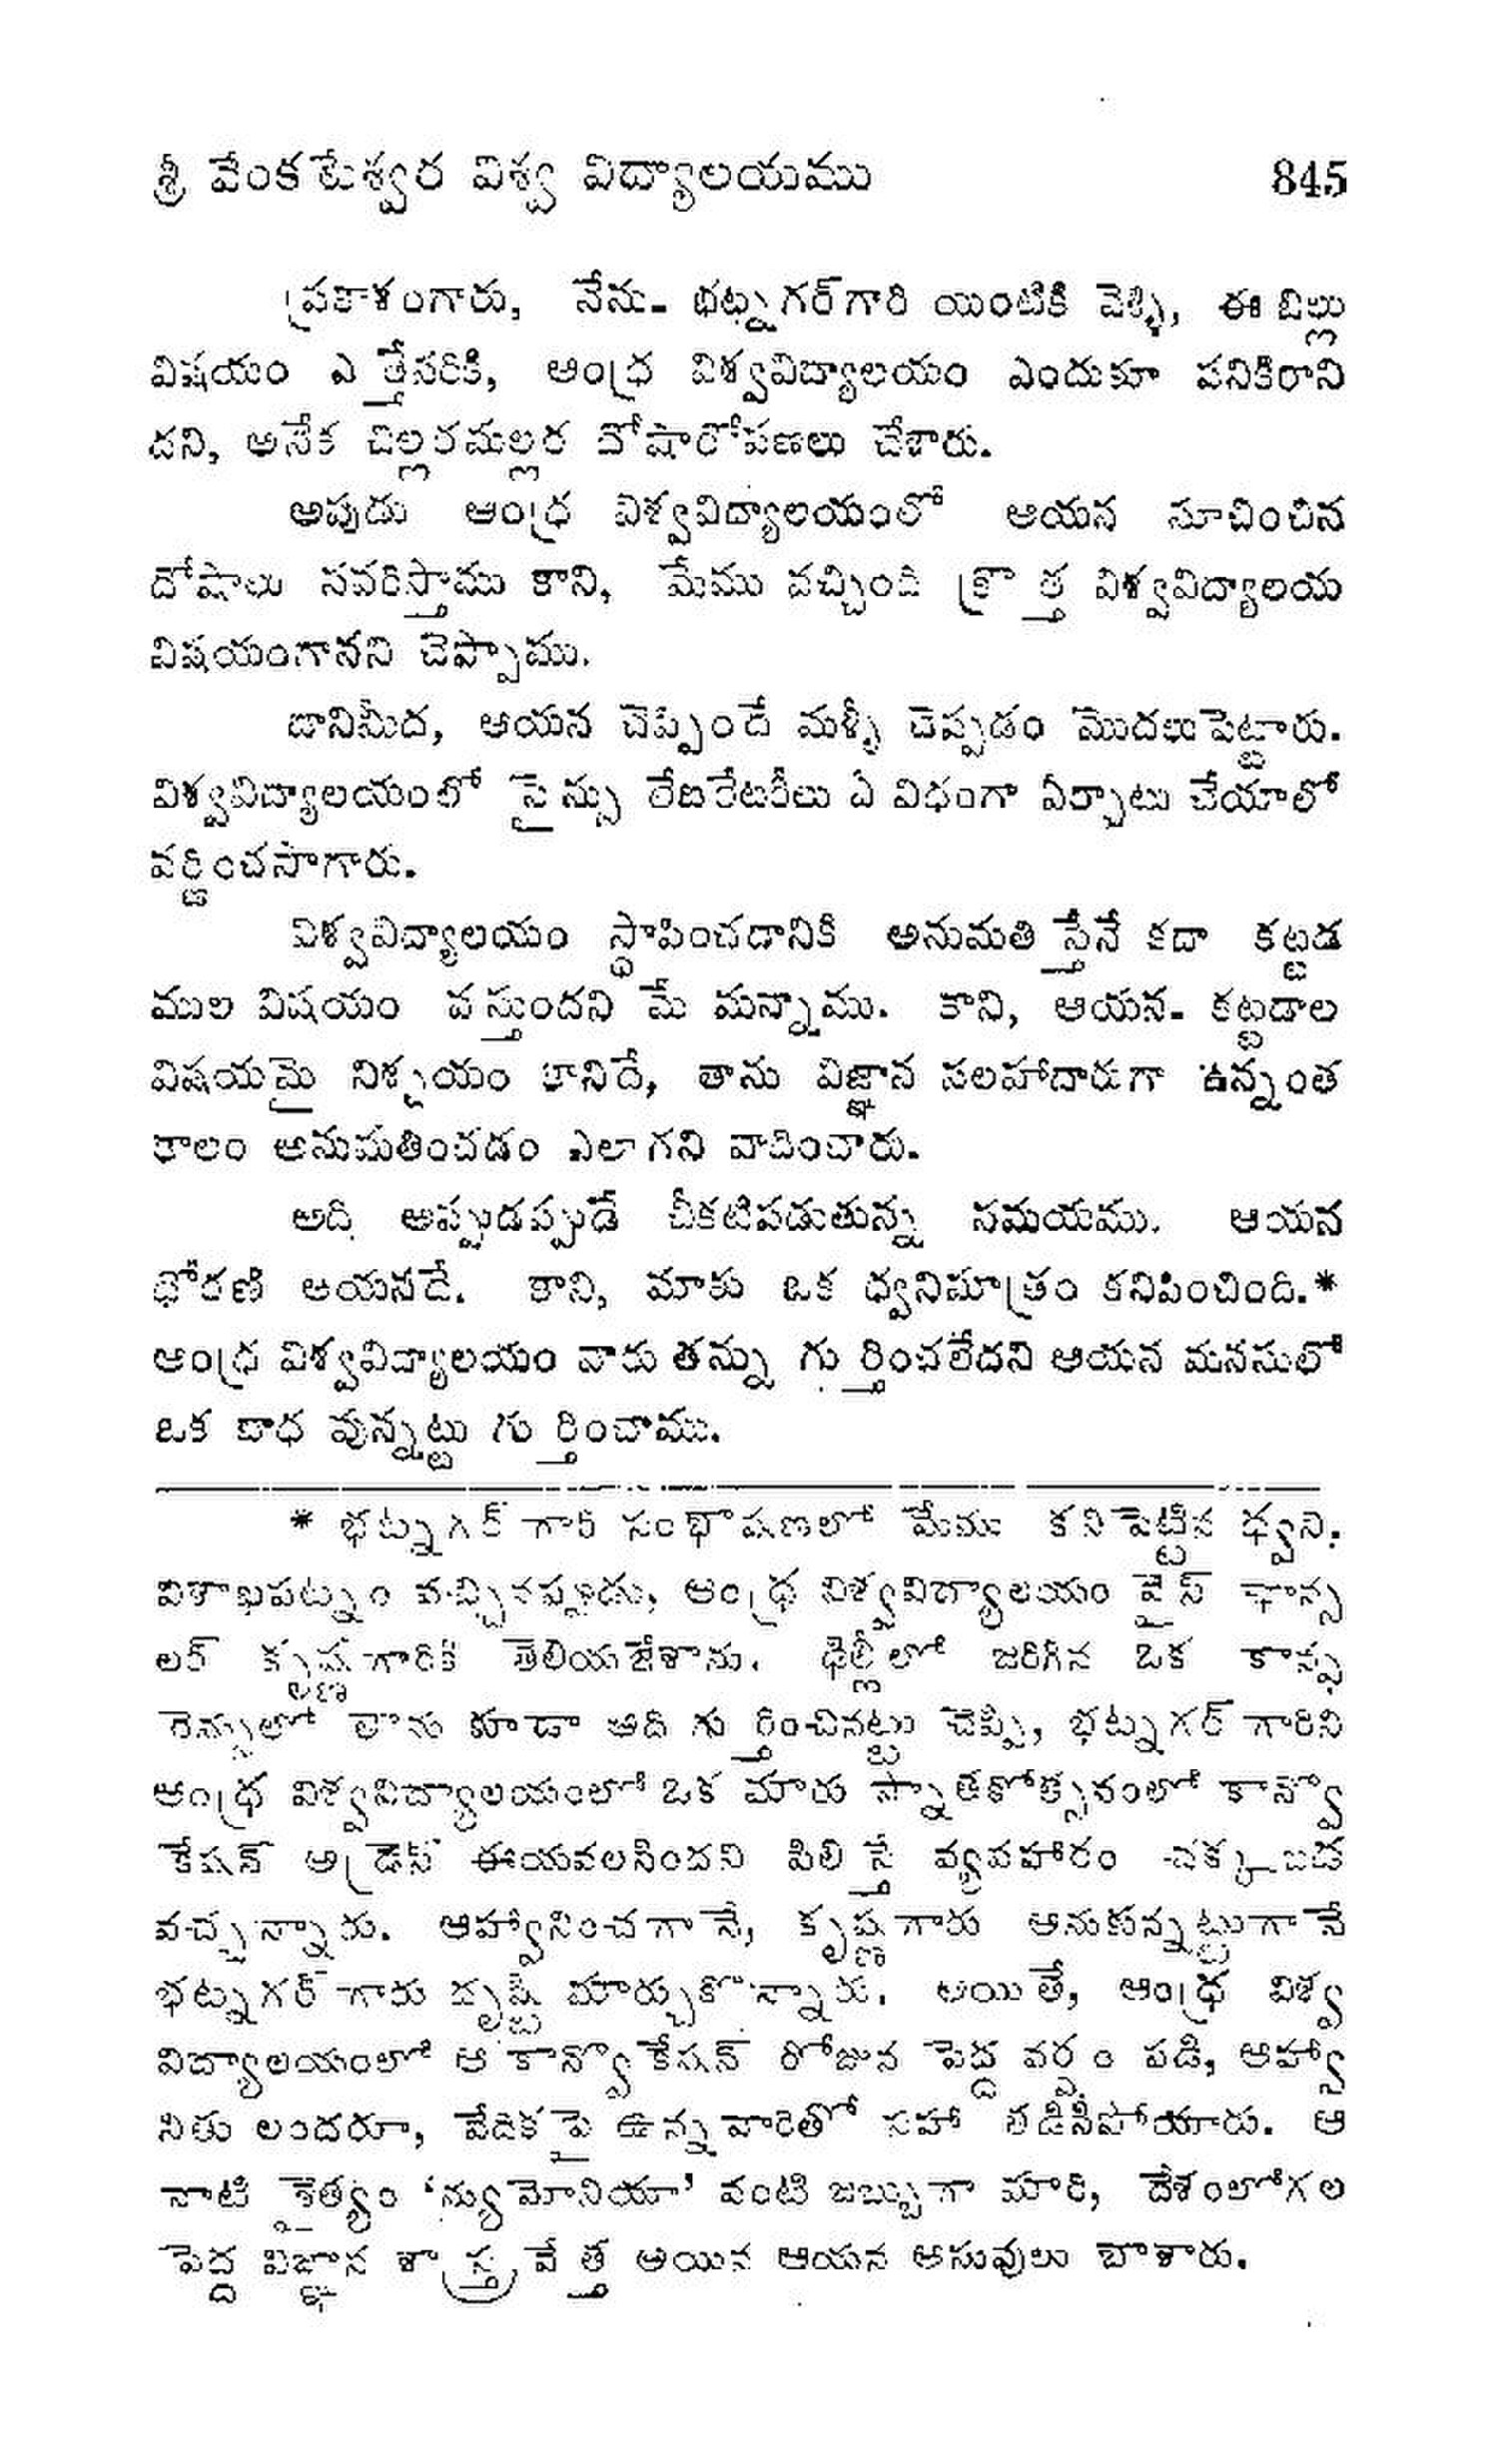ప్రకాశంగారు, నేను - భట్నగర్‌గారి యింటికివెళ్ళి, ఈ బిల్లు విషయం ఎత్తేసరికి, ఆంధ్ర విశ్వవిద్యాలయం ఎందుకూ పనికిరానిదని, అనేక చిల్లరమల్లర దోషారోపణలు చేశారు.

అపుడు ఆంధ్ర విశ్వవిద్యాలయంలో ఆయన సూచించిన దోషాలు సవరిస్తాము కాని, మేము వచ్చింది క్రొత్త విశ్వవిద్యాలయ విషయంగానని చెప్పాము.

దానిమీద, ఆయన చెప్పిందే మళ్ళీ చెప్పడం మొదలుపెట్టారు. విశ్వవిద్యాలయంలో సైన్సు లేబరేటరీలు ఏ విధంగా ఏర్పాటు చేయాలో వర్ణించసాగాడు.

విశ్వవిద్యాలయం స్థాపించడానికి అనుమతిస్తేనే కదా కట్టడముల విషయం వస్తుందని మే మన్నాము. కాని, ఆయన - కట్టడాల విషయమై నిశ్చయం కానిదే, తాను విజ్ఞాన సలహాదారుగా ఉన్నంతకాలం అనుమతించడం ఎలా గని వాదించారు.

అది అప్పుడప్పుడే చీకటిపడుతున్న సమయము. ఆయన ధోరణి ఆయనదే. కాని, మాకు ఒక ధ్వనిమాత్రం కనిపించింది. ఆంధ్ర విశ్వవిద్యాలయం వారు తన్ను గుర్తించలేదని ఆయన మనసులో ఒక బాధ వున్నట్టు గుర్తించాము.